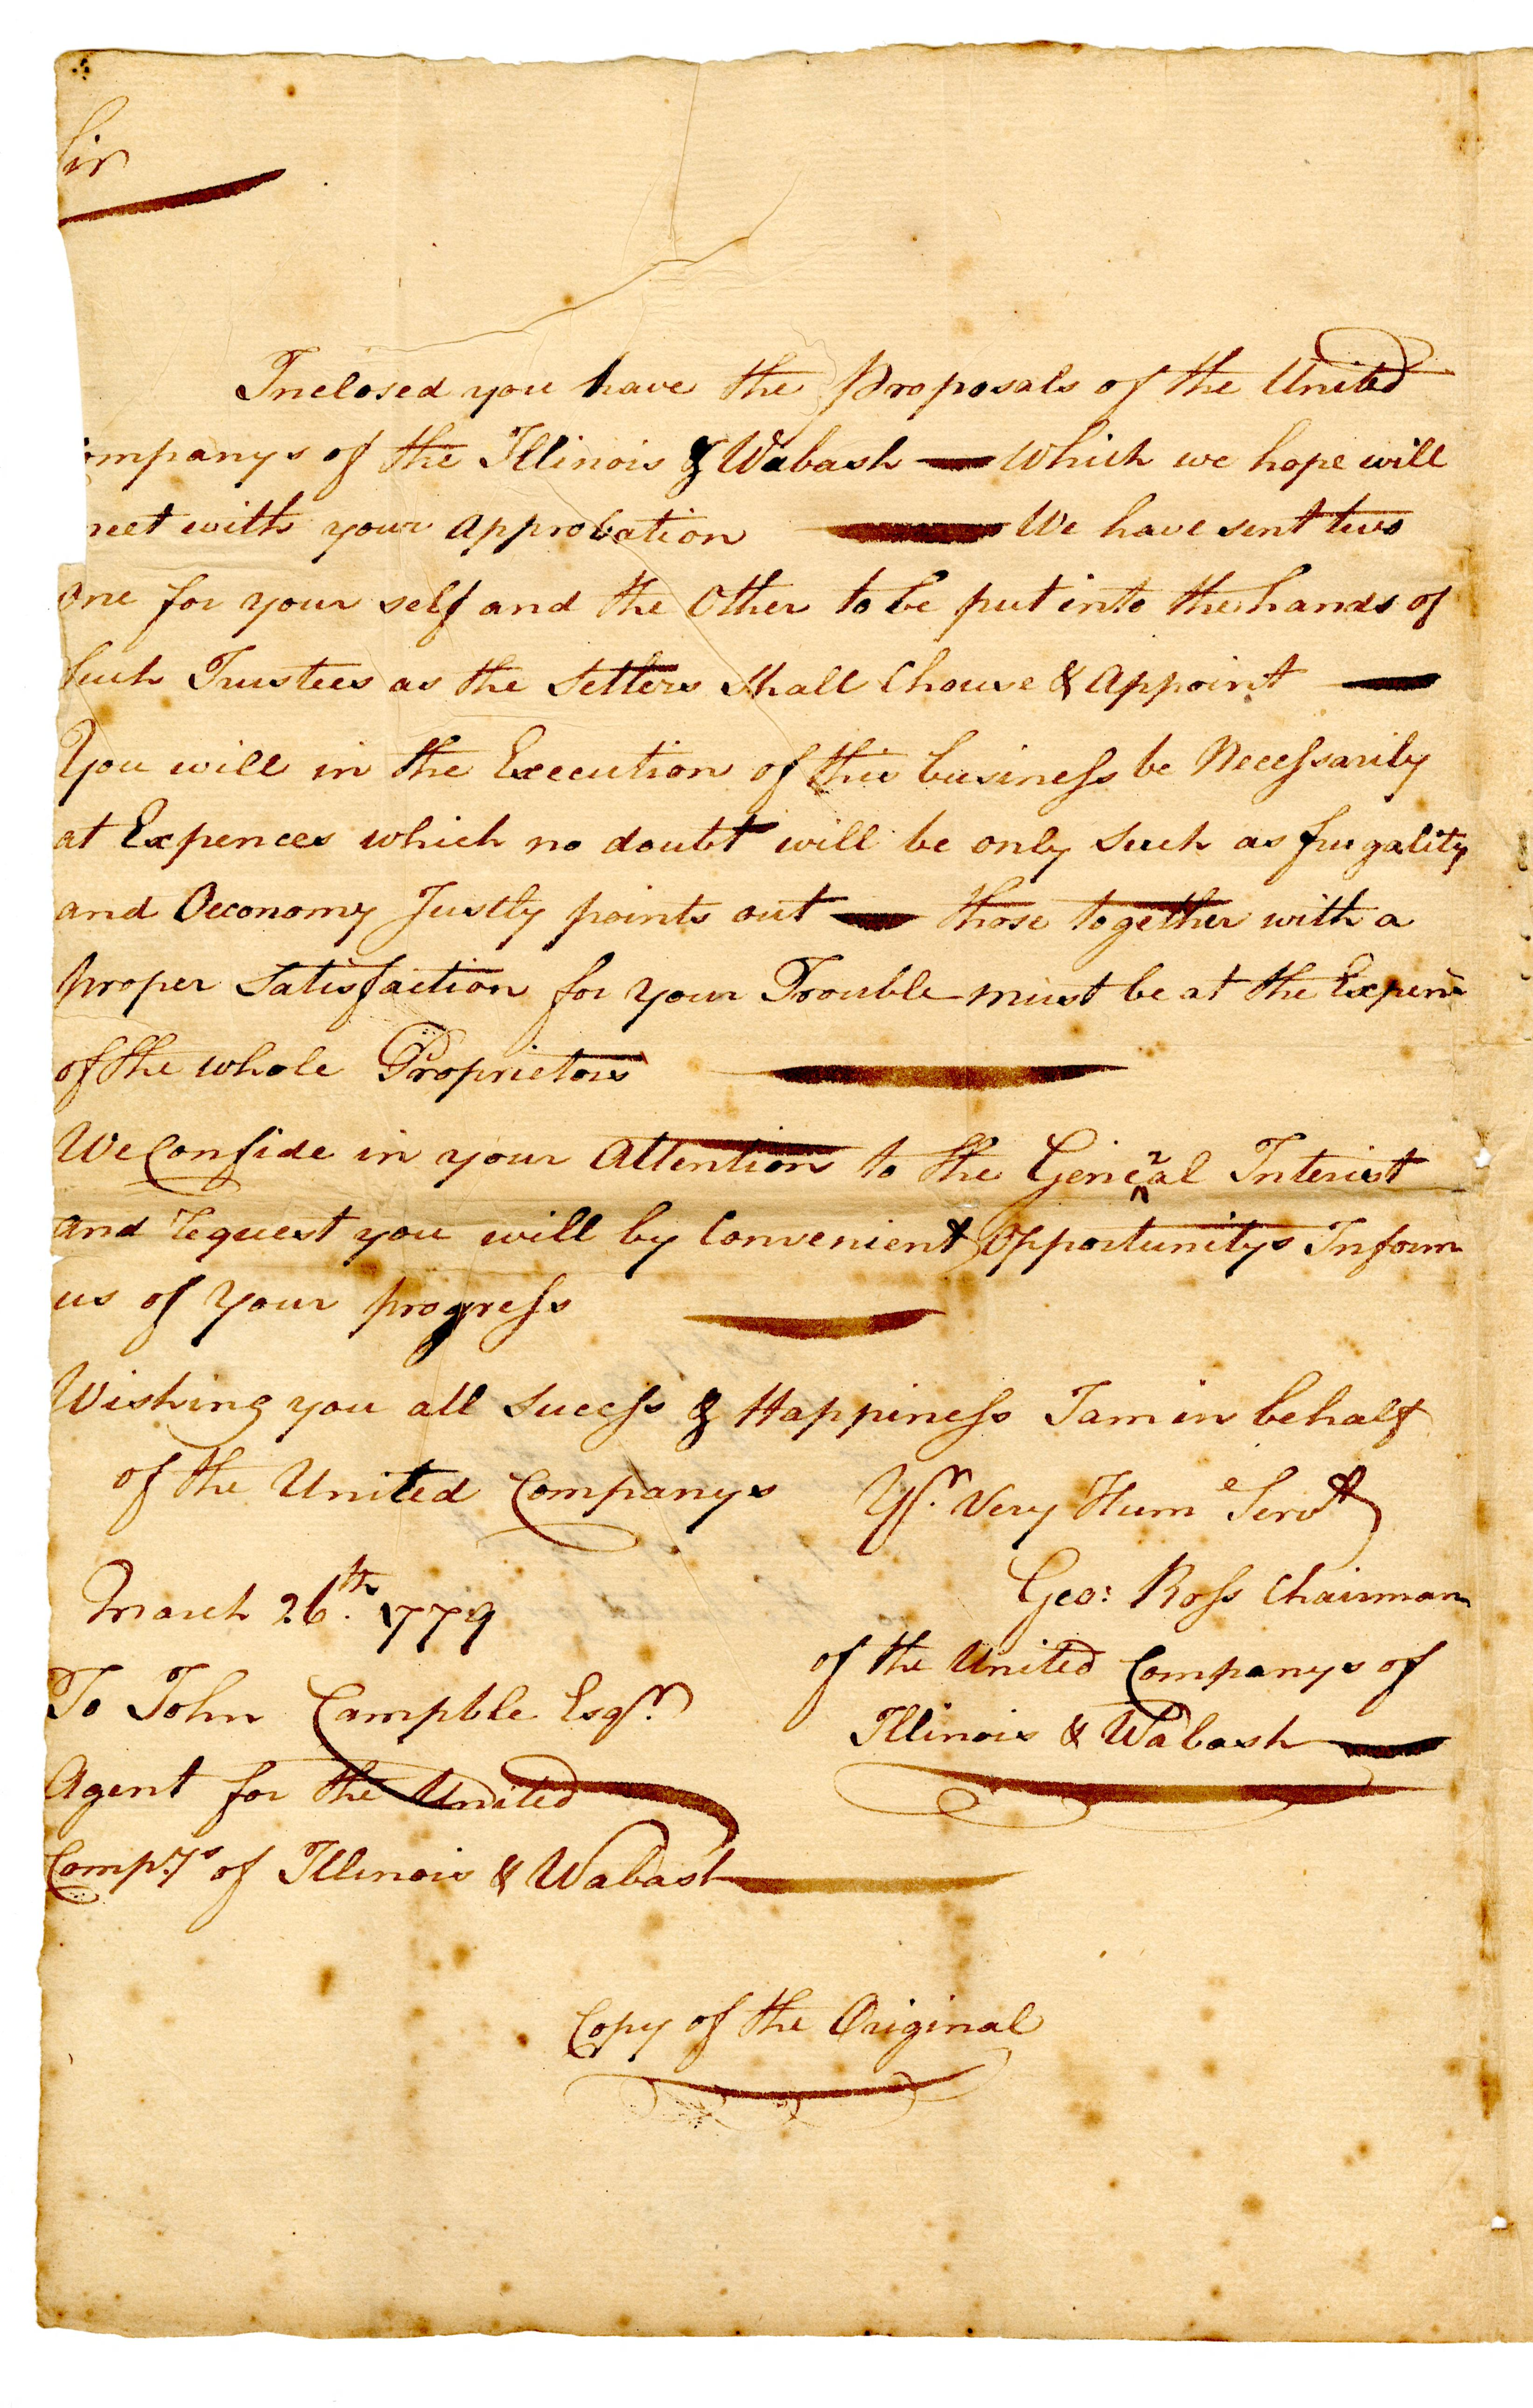Sir
Inclosed you have the proposals of the United
mpanys of the Illinois & Wabash- Which we hope will
meet with your approbation- We have sent two
one for your self and the other to be put into the hands of
Such Trustees as the Setlers shall Chouse & Appoint.-
You will in the Execution of this business be necessarily
at Expences which no doubt will be only such as frugality
and Oeconomy Justly points out- those together with a
proper Satisfaction for your Trouble must be at the Expens
of the whole Proprietors
We Confide in your Attention to the Gene^ral Interist
and request you will by convenient opportunity's Inform
us of your progress
Wishing you all sucess & Happiness I am in behalf
of the United Companys
Y^r. Very Hum^l. Serv^t
Geo: Ross Chairman
of the United Companys of
Illinos & Wabash
March 26^th. 1779
To John Campble Esq^r.
Agent for the United
Comp^ys. of Illinois & Wabash
Copy of the Original